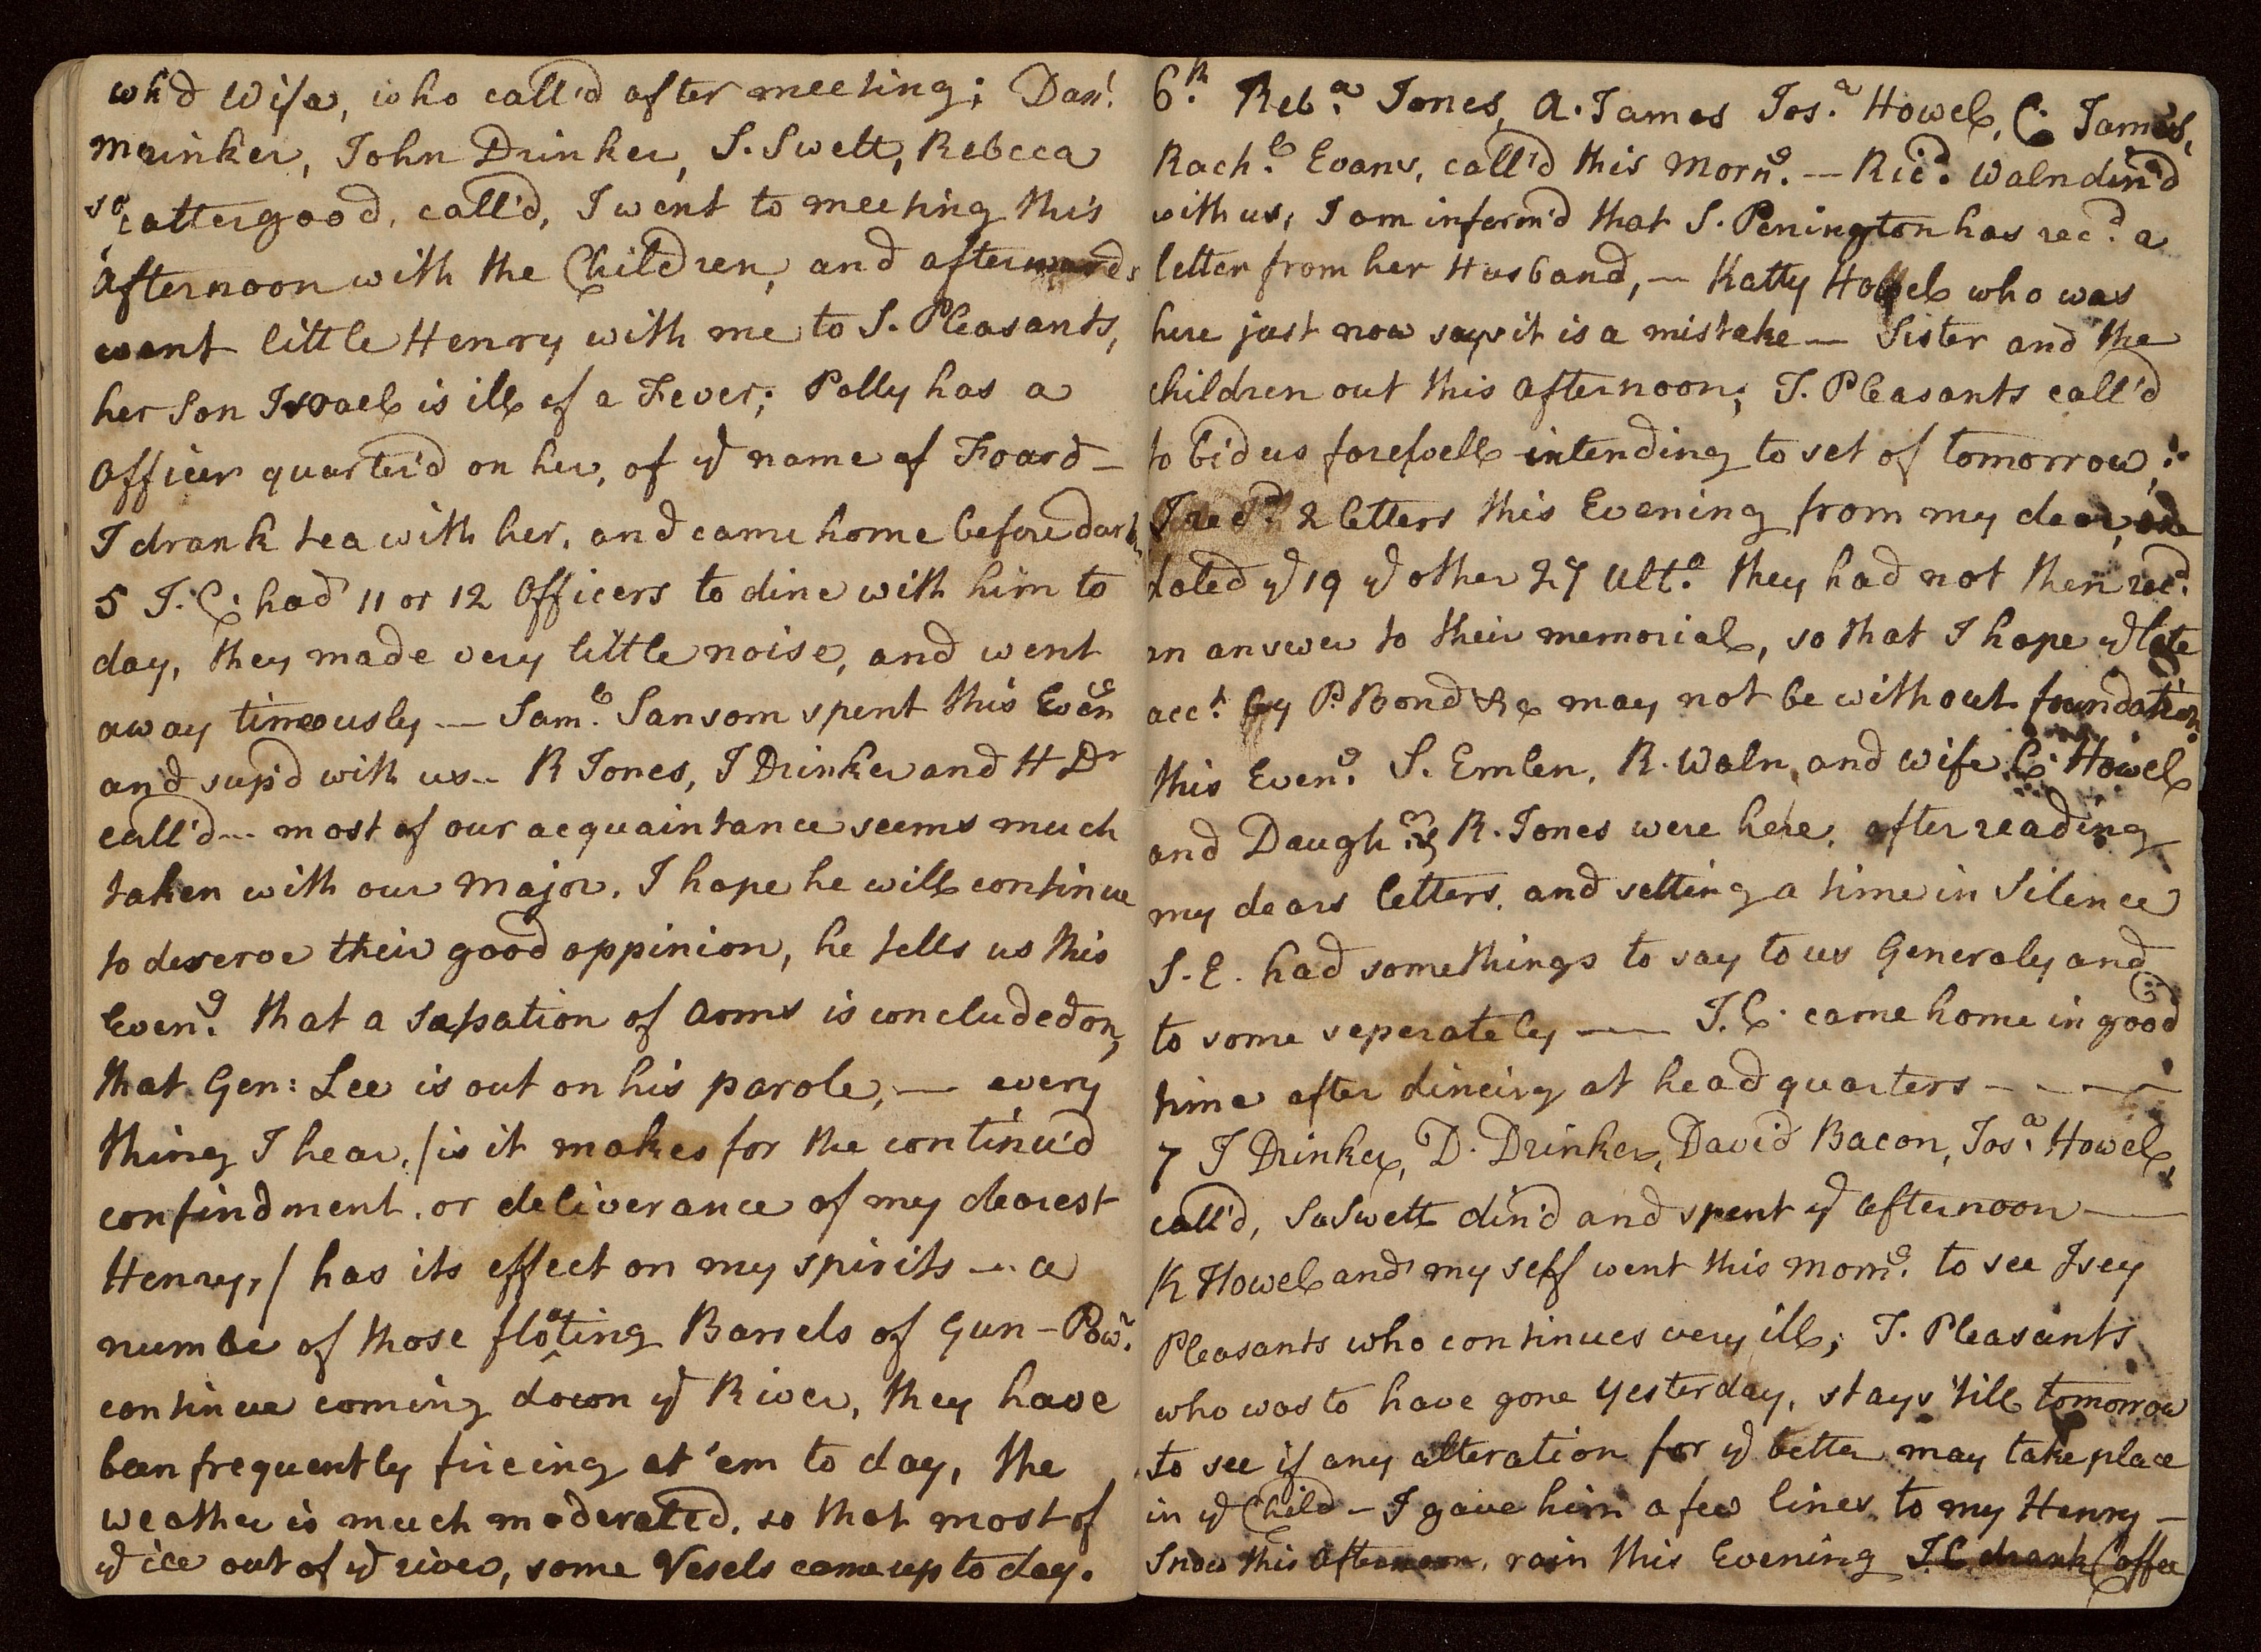d Wife, who call'd after meeting; Dan^l.
rinker, John Drinker, S. Swett, Rebeca
attergood, call'd, I went to meeting this
Afternoon with the Children, and afterwards
want little Henry with me to S. Pleasants,
her Son Israel is ill of a Fever; Polly has a
Officer quarter'd on her, of y^e name of Foard-
I drank tea with her, and came home before dark
5 I. C. had 11 or 12 Officers to dine with him to
day, they made very little noise, and went
away timeously - Sam^l. Sansom spent this Even^g
and sup'd with us- R Jones, I Drinker and HD
call'd - most of our acquaintance seems much
taken with our Major. I hope he will continue
to deserve their good oppinion, he tells us this
Even^g. that a sassation of arms is concluded on,
that Gen: Lee is out on his parole,- every
thine I hear /is it makes for the continu'd
confindment or deliverance of my dearest
Henry./ has its effect on my spirits- a
numbe of those flo^ating Barrels of Gun- Pow^r.
continue coming down y^e River, they have
been frequently fireing at 'em to day, the
weather is much moderated, so that most of
y^e ice out of y^e river, some Vesels come up to day.
6^th. Reb^a. Jones, A. James Jos^a. Howel, C James,
Rach^l. Evans, call'd this morn^g.- Ric^d. Waln din'd
with us, I am inform'd that S. Penington has rec^d. a
letter from her Husband,- Katty Howel who was
here just now says it is a mistake- Sister and the
children out this afternoon, S. Pleasants call'd
to bid us farewell intending to set of tomorrow,
I rec'd 2 letters this Evening from my dear, [__]
dated y^e 19 y^e other 27 Ult^o. they had not then rec^d.
an answer to their memorial, so that I hope y^e late
acc^t. by P. Bond &c may not be without foundation
this Even^g. S. Emlen, R. Waln, and Wife C. Howel
and Daugh^r. & R. Jones were here, after reading
my dears letters, and setting a time in silence
S.E. had somethings to say to us Generaly and
to some seperately- I.C. came home in good
time after dineing at headquarters-
7 I Drinker, D. Drinker, David Bacon, Jos^a. Howel,
call'd, S. Swett din'd and spent y^e afternoon-
K Howel, and my self went this Morn^g. to see Jsey
Pleasants who continues very ill; S. Pleasants
who was to have gone Yesterday, stays 'till tomorrow
to see if any alteration for y^e better may take place
in y^e Child- I gave him a few lines to my Henry-
Snow this Afternoon, rain this Evening & J. C. drank Coffee